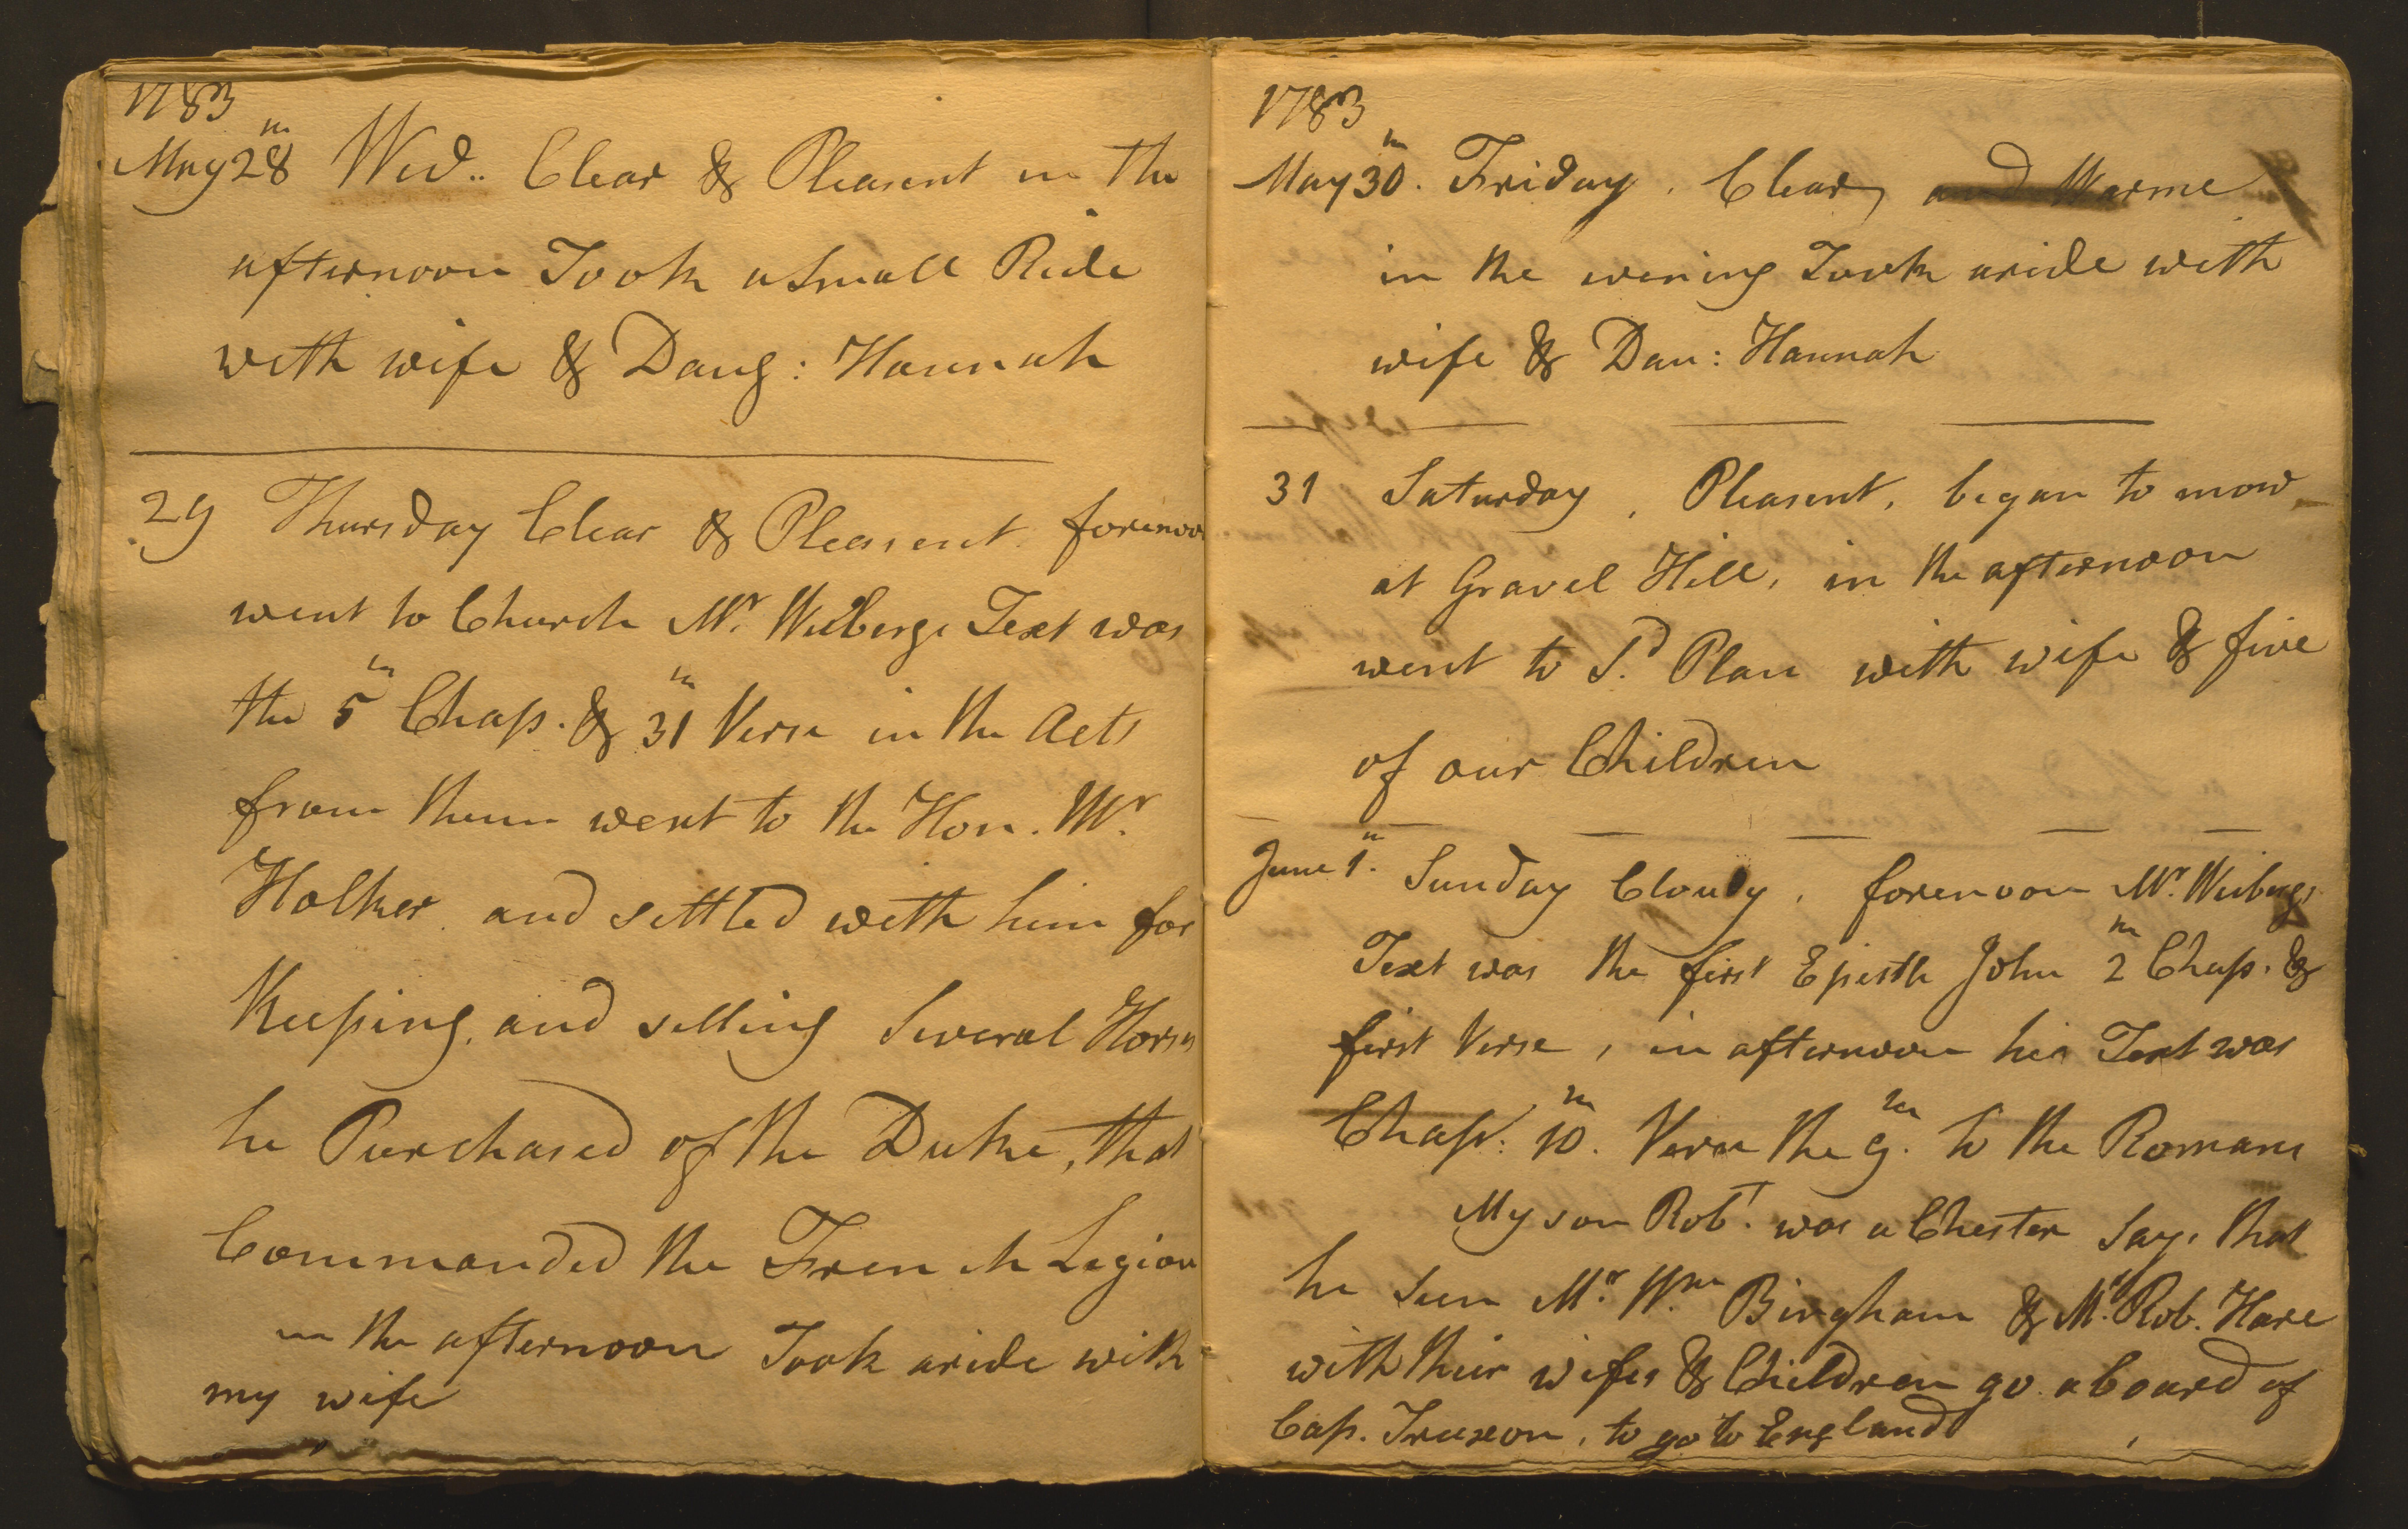17830
May 28^th Wed. Clear & Pleasent in the
afternoon Took a small Ride
with wife & Daug: Hannah
29 Thursday Clear & Pleasent forenoon
went to Church M^r. Weibergs Text was
the 5^th Chap. & 31^th Verse in the Acts
from thence went to the Hon. M^r.
Holker and settled with him for
Keeping and selling several Horses
he Purchased of the Duke, that
Commanded the French Legion
the afternoon Took a ride with
my wife
1783
May 30^th. Friding. Clear and Warme
in the evening Took a ride with
wife & Dau: Hannah
31 Saturday Pleasent, began to mow
at Gravel Hill, in the afternoon
went to s^d. Plan with wife & five
of our Children
June 1^th. Sunday Cloudy. forenoon M^r. Weibergs
Text was the first Epistle John 2^th Chap. &
first Verse, in afternoon his Text was
Chap. 10^th. Verse the 9^th. to the Romans
My son Rob^t. was a Chester says that
he seen M^r. W^m. Bingham & M^r. Rob. Hare
with their wifes & Children go aboard of
Cap. Traxon, to go to England